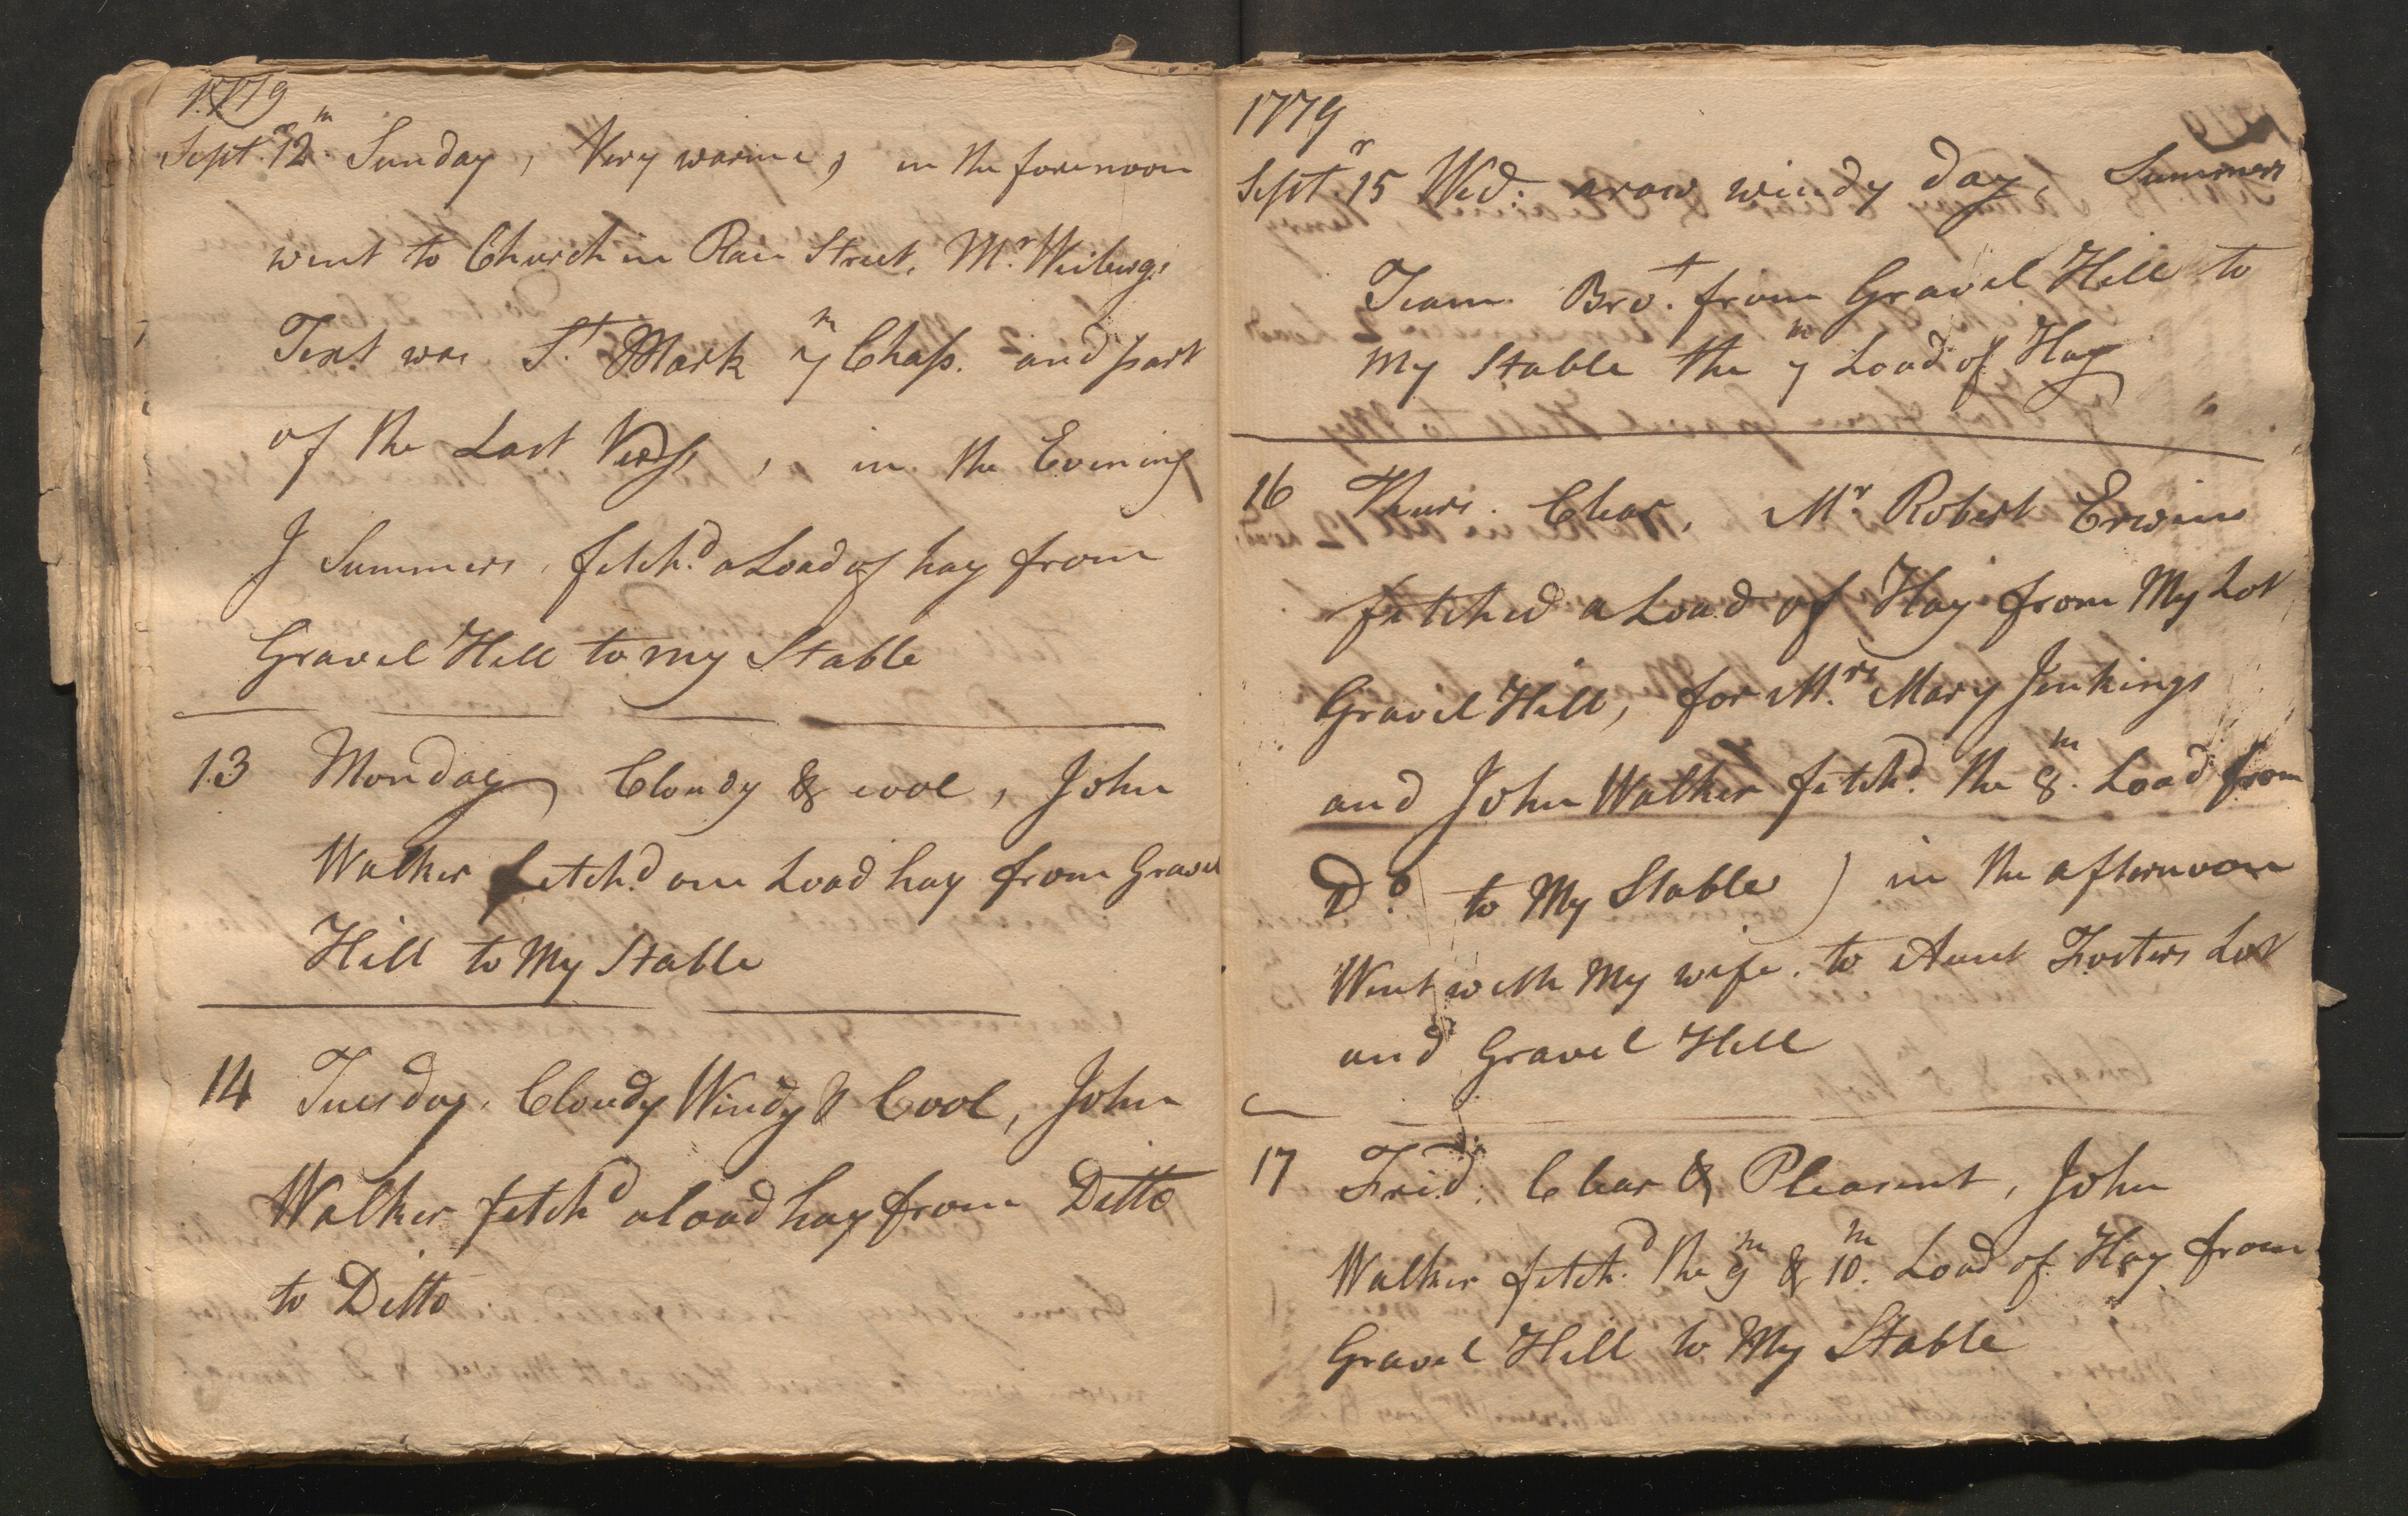1779
Sept^r. 12^th. Sunday, Very warme, in the forenoon
went to Church in Race Street, M^r. Weiburgs
Text was S^t. Mark 7^th Chap. and part
of the Last Verss, in the Evening
J Summers, fetch^d. a Load of hay from
Gravel Hill to my Stable
13 Monday Cloudy & cool, John
Walker fetch^d. one Load hay from Gravel
Hill to My Stable
14 Tuesday Cloudy Windy & Cool, John
Walker fetch^d a load hay from Ditto
to Ditto
1779
Sept^r. 15 Wed: a raw windy day, Summers
Team Bro^t. from Gravel Hill to
My Stable the 7^th Load of Hay
16 Thurs Clear M^r Robert Erwins
fetched a Load of Hay from My Lot
Gravel Hill, for M^rs. Mary Jenkings,
and John Walker fetch^d. the 8^th. Load from
D^o. to My Stable) in the afternoon
Went with My wife. to Aunt Fosters Lot
and Gravel Hill
17 Frid; Clear & Pleasent, John
Walker fetch^d the 9^th & 10^th. Load of Hay from
Gravel Hill to My Stable